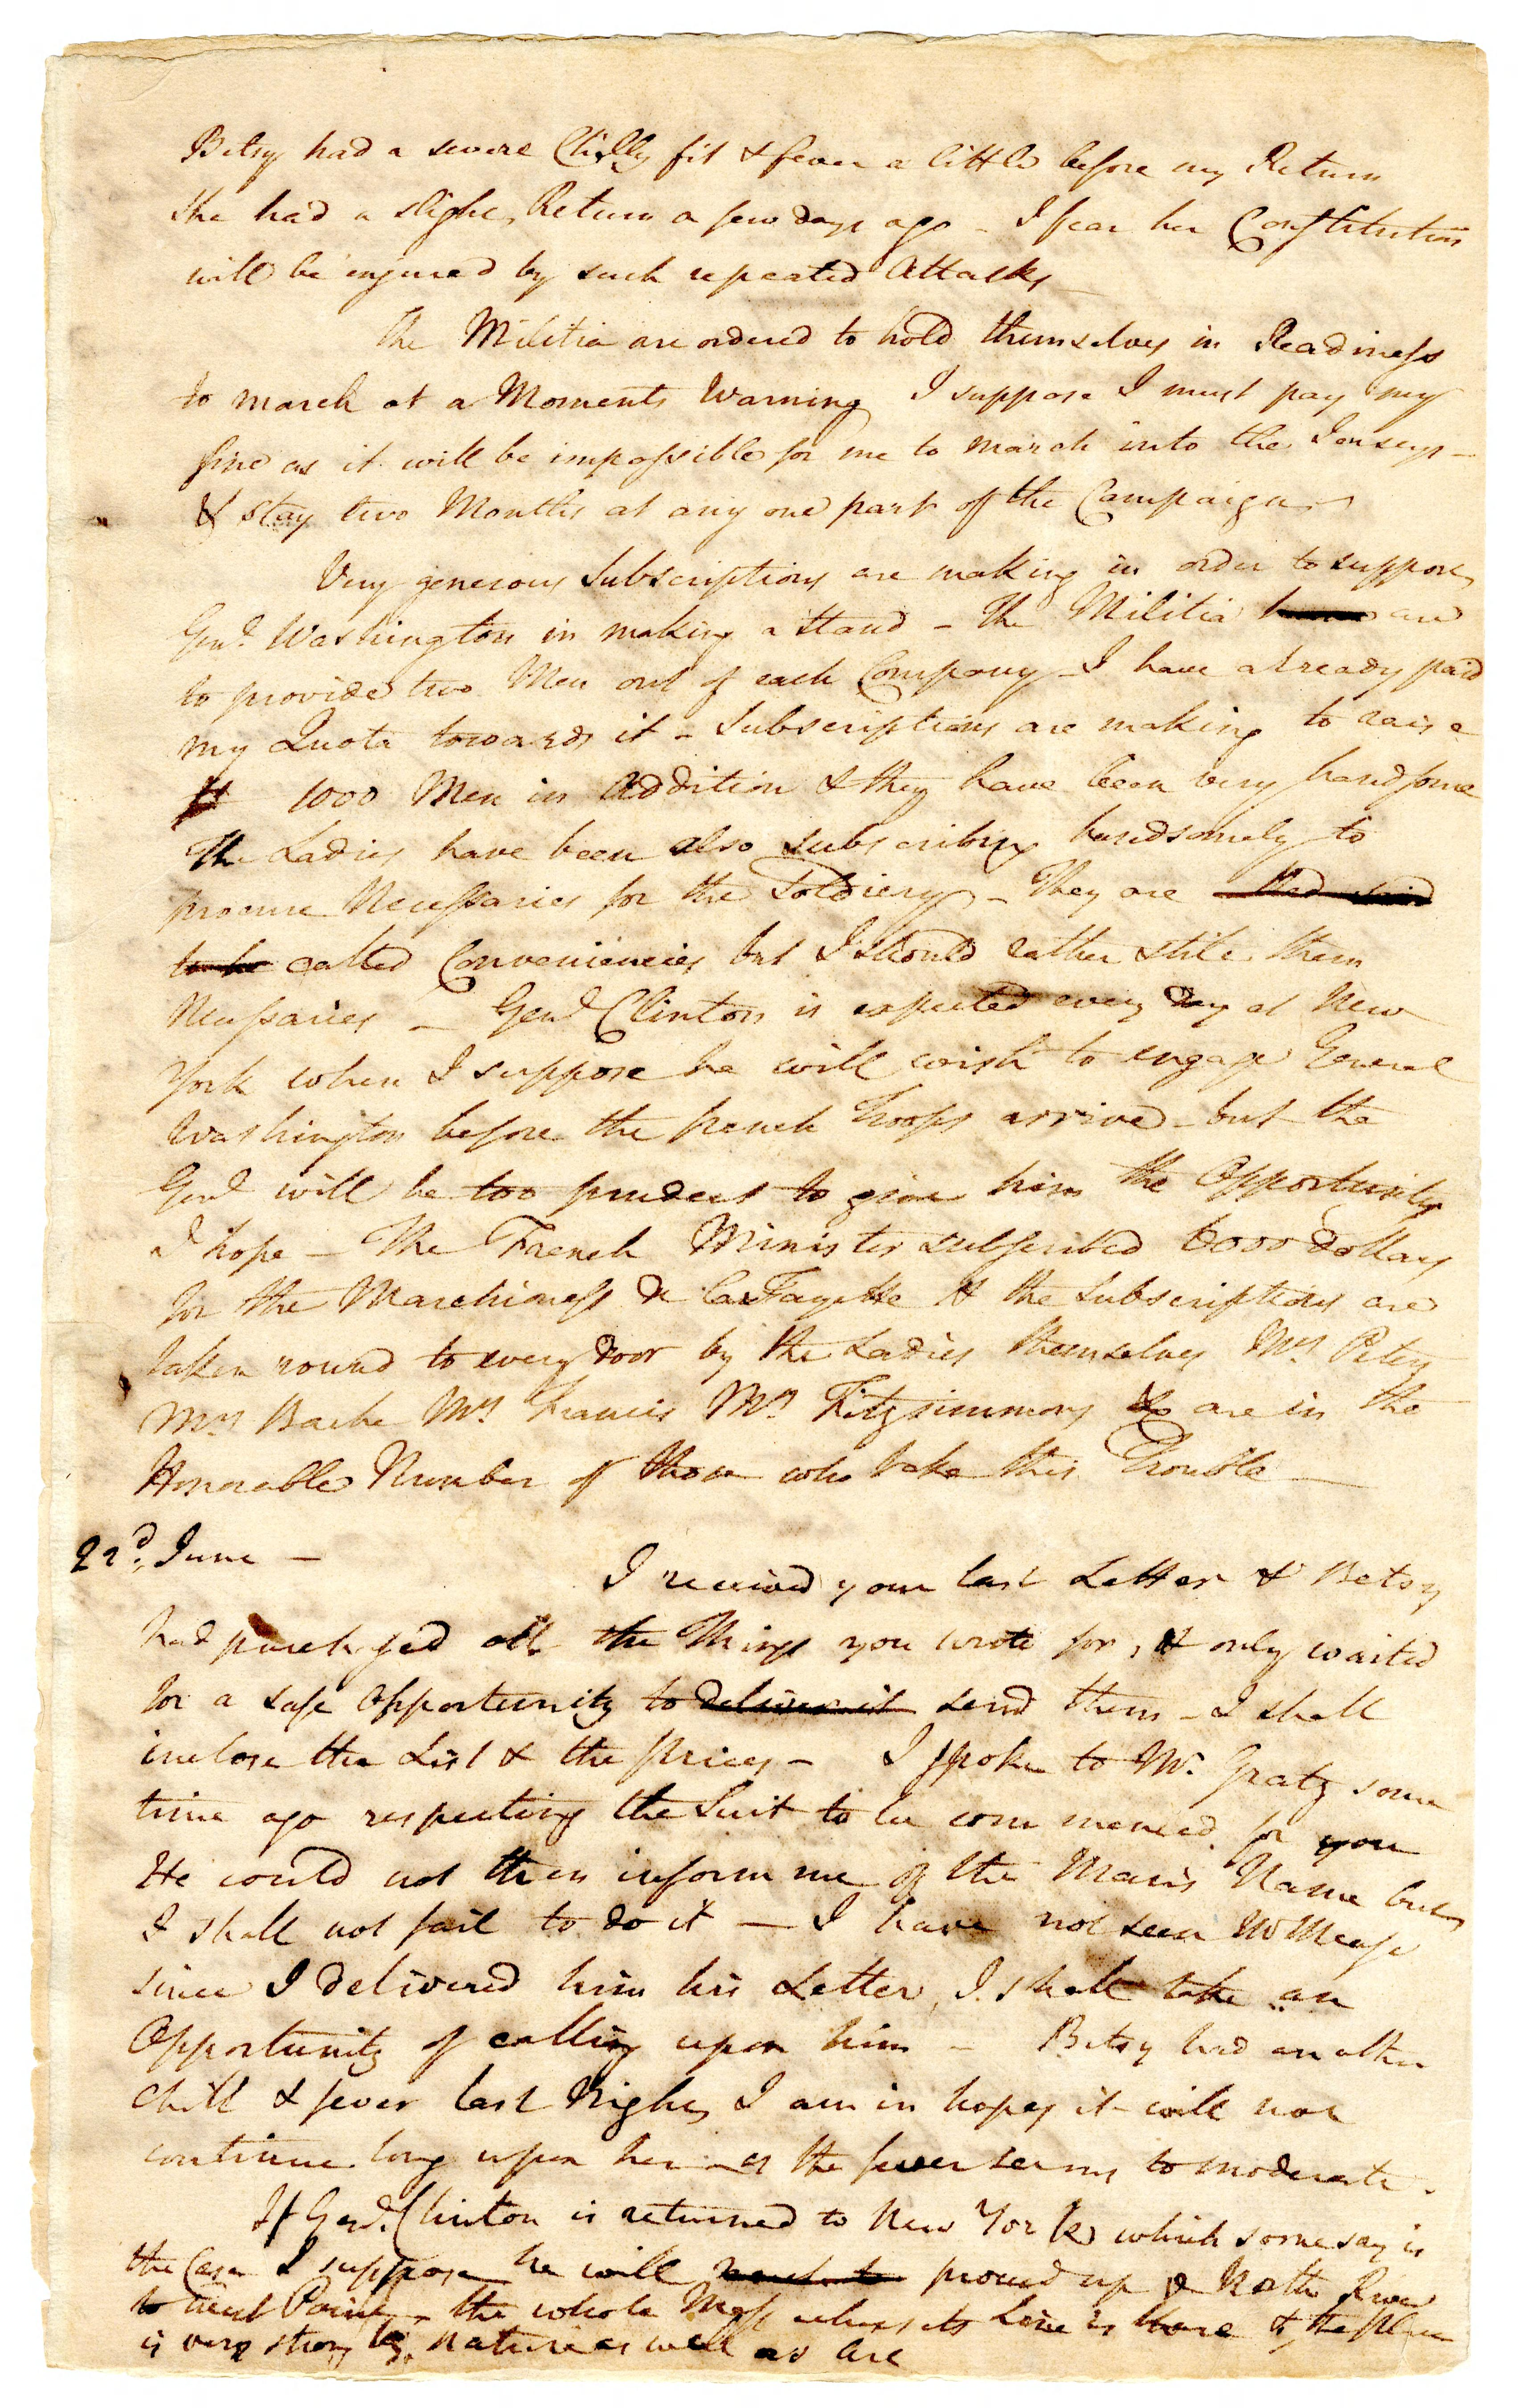Betsy had a severe Chilly fit & fever a little before any Return
she had a slight, Return a few days ago. I fear her Constitutions
will be injured by such repeated Attacks
the Militia are ordered to hold themselves in Readiness
to march at a Moments Warning, I suppose I must pay my
fine as it will be impossible for me to march into the Jerseys
& stay two Months at any one part of the Campaign.
Very generous Subscriptions are making in order to suppose
Gen^l. Washingtors in making a Stand. The Militia here are
to provide two Men out of each Company. I have already paid
my Quota towards it. Subscriptions are making to raise
1000 Men in Addition & they have been very handsome
The Ladies have been also subscribing handsomely to
procure Necessaries for the Soldiery. They are [_____]
take called Conveniences but I Should rather Stile them
Mussaries. Gen^l Clinton is expected every Day at New
York when I suppose he will wish to engage General
Washington before the French Troops arrive- but the
Gen^l. will be too prudent to give him tho Opportunity
I hope- The French Minister subscribed 6000 dollars
for the Marchiness & la Fagette & the Subscriptions are
taken round to every door by the Ladies themselves M^rs. Petey
M^rs. Backe M^rs. Travis M^r. Fitzsimmons & are in the
Honorable Number of those who take this Trouble-
22^d. June
I received your last Letter & Betsy
had packed all the Things you wrote for, & only waited
for a safe opportunity to deliver it send them. I shall
inclose the List & the Prices- I spoke to M^r. Gratz some
time ago respecting the suit to be commenced for you
He could not then inform me of the Man's Name but
I shall not fail to do it. I have not seen W. Mease
since I delivered him his Letter. I shall take an
Opportunity of calling upon him. Betsy had another
Chill & fever last Night. I am in hopes it will not
continue long upon her- as the fever seems to moderate.
If Gen^l. Clinton is returned to New York which some say is
the Case I suppose, he will next to proceed up y^e North River
to next Point. the whole Mass relurs its love is there & the Place
is very strong by nature as well as are